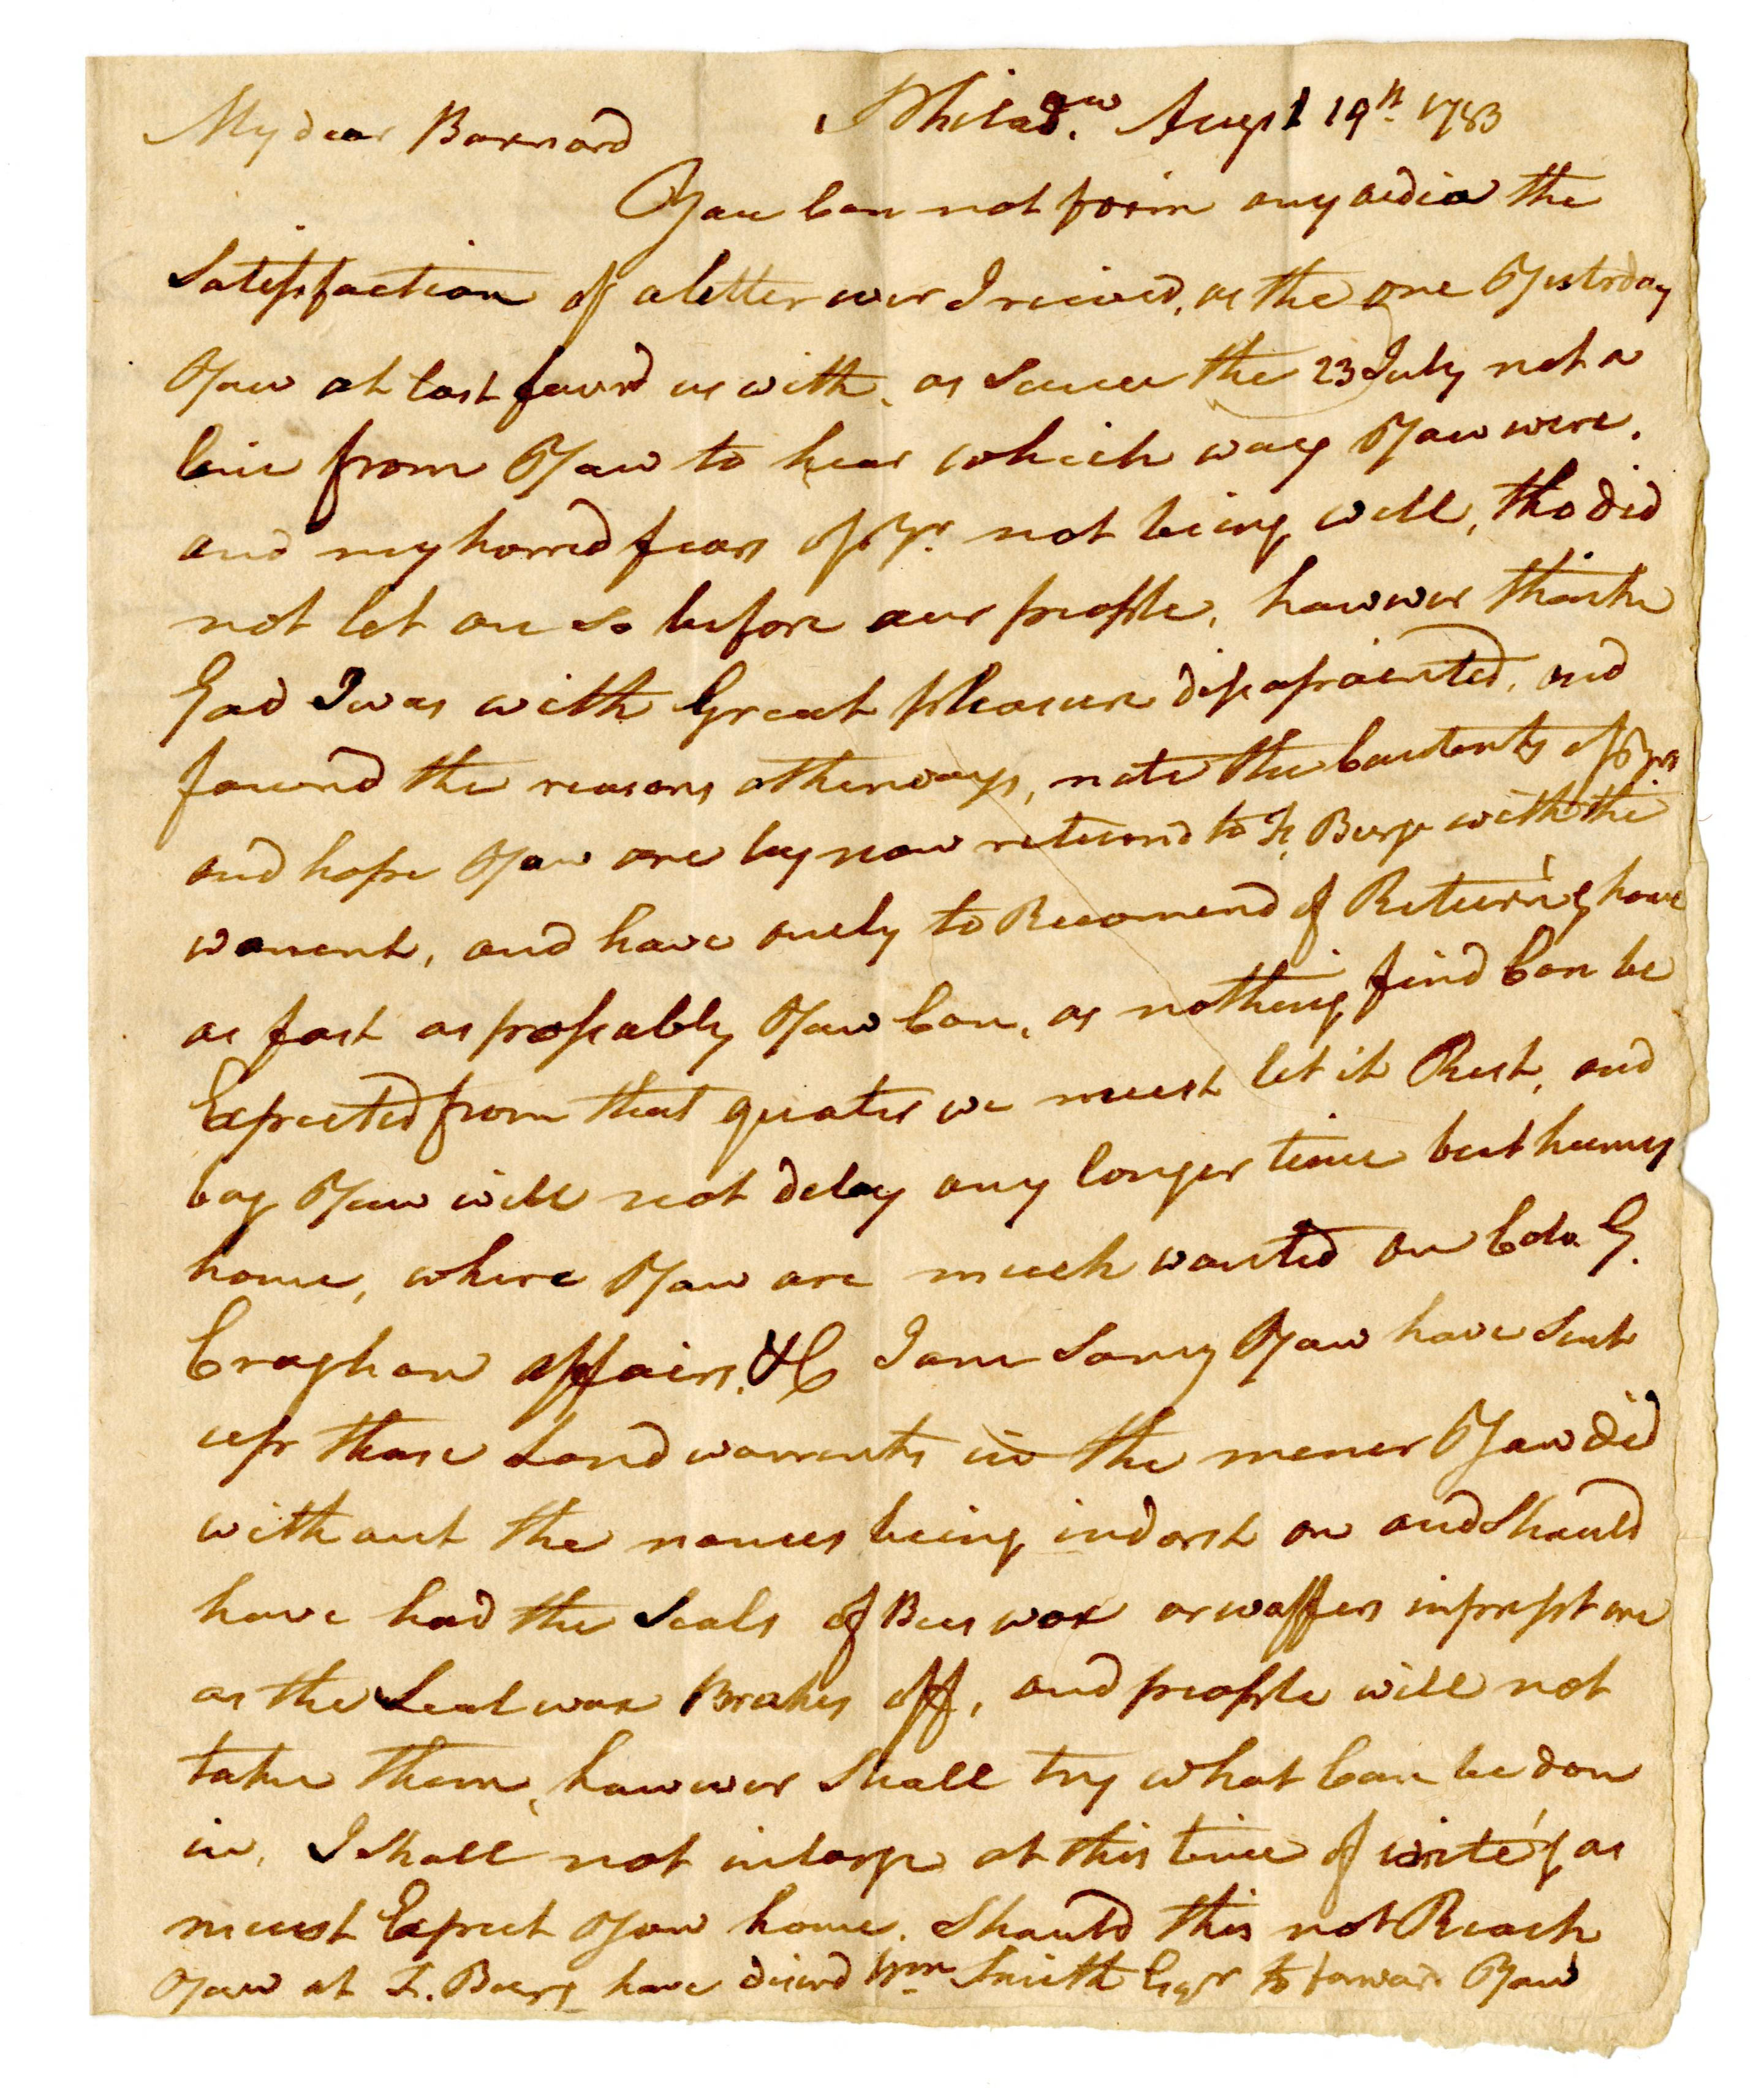Philad^a Aug^t 19^th. 1783
My dear Barnard
You Can not form any advice the
Satissfaction of a letter ever I received, as the one yesterday
you at last fav^rd us with, as saver the 23 July not a
line from you to hear which way you were.
and my horrid fear of y^r. not being well, tho did
not let on so before our brother, however thank
God I was with Great pleasure disapointed, and
found the reasons otherways, note the Contents of yrs.
and hope you are by now returnd to F Burg with the
warrant, and have only to Recommend of Returning home
as fast as possably you can, as nothing find can be
Expected from that quarter we must let it Rest, and
say you will not delay any longer time best hurry
home, where you are much wanted on Colo G.
Croghan affair &C I am sorry you have Sent
up those Land warrants in the maner you did
without the nawees being in dark on and should
have had the Seals of Bees wax or waffers in front are
as the Seal was Brakes off, and people will not
take them, however shall try what can be done
in. I shall not interp at this time of writing as
must Expect you home. Should this not Reach
you at F. Burg have desir'd W^m Smith Esq^r to forward you